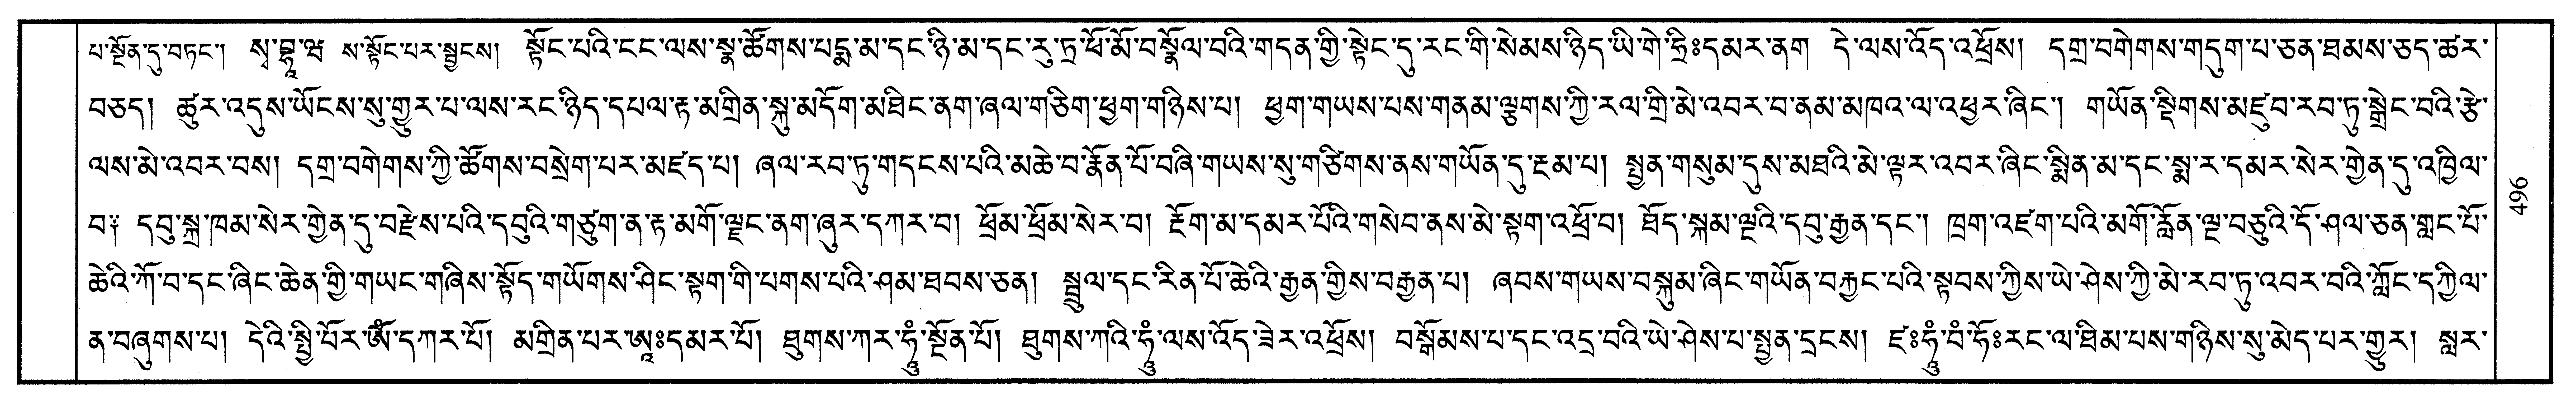པ་སྔོན་དུ་བཏང་། སྭ་བྷཱ་ཝ་ས་སྟོང་པར་སྦྱངས། སྟོང་པའི་ངང་ལས་སྣ་ཚོགས་པདམ་མ་དང་ཉི་མ་དང་རུ་ཏྲ་ཕོ་མོ་བསྣོལ་བའི་གདན་གྱི་སྟེང་དུ་རང་གི་སེམས་ཉིད་ཡི་གེ་ཧྲིཿ དམར་ནག་དེ་ལས་འོད་འཕྲོས། དགྲ་བགེགས་གདུག་པ་ཅན་ཐམས་ཅད་ཚར་
བཅད། ཚུར་འདུས་ཡོངས་སུ་གྱུར་པ་ལས་རང་ཉིད་དཔལ་རྟ་མགྲིན་སྐུ་མདོག་མཐིང་ནག་ཞལ་གཅིག་ཕྱག་གཉིས་པ། ཕྱག་གཡས་པས་གནམ་ལྕགས་ཀྱི་རལ་གྲི་མེ་འབར་བ་ནམ་མཁའ་ལ་འཕྱར་ཞིང་། གཡོན་སྡིགས་མཛུབ་རབ་ཏུ་སྒྲེང་བའི་རྩེ་
ལས་མེ་འབར་བས། དགྲ་བགེགས་ཀྱི་ཚོགས་བསྲེག་པར་མཛད་པ། ཞལ་རབ་ཏུ་གདངས་པའི་མཆེ་བ་རྣོན་པོ་བཞི་གཡས་སུ་གཙིགས་ནས་གཡོན་དུ་རྔམ་པ། སྤྱན་གསུམ་དུས་མཐའི་མེ་ལྟར་འབར་ཞིང་སྨིན་མ་དང་སྨ་ར་དམར་སེར་གྱེན་དུ་འཁྱིལ་
བ༑ དབུ་སྐྲ་ཁམ་སེར་གྱེན་དུ་བརྫེས་པའི་དབུའི་གཙུག་ན་རྟ་མགོ་ལྗང་ནག་ཞུར་དཀར་བ། ཕྲོམ་ཕྲོམ་སེར་བ། རྔོག་མ་དམར་པོའི་གསེབ་ནས་མེ་སྟག་འཕྲོ་བ། ཐོད་སྐམ་ལྔའི་དབུ་རྒྱན་དང་། ཁྲག་འཛག་པའི་མགོ་རློན་ལྔ་བཅུའི་དོ་ཤལ་ཅན་གླང་པོ་
ཆེའི་ཀོ་བ་དང་ཞིང་ཆེན་གྱི་གཡང་གཞིས་སྟོད་གཡོགས་ཤིང་སྟག་གི་པགས་པའི་ཤམ་ཐབས་ཅན། སྦྲུལ་དང་རིན་པོ་ཆེའི་རྒྱན་གྱིས་བརྒྱན་པ། ཞབས་གཡས་བསྐུམ་ཞིང་གཡོན་བརྐྱང་པའི་སྟབས་ཀྱིས་ཡེ་ཤེས་ཀྱི་མེ་རབ་ཏུ་འབར་བའི་ཀློང་དཀྱིལ་
ན་བཞུགས་པ། དེའི་སྤྱི་བོར་ཨོཾ་དཀར་པོ། མགྲིན་པར་ཨཱཿ དམར་པོ། ཐུགས་ཀར་ཧཱུཾ་སྔོན་པོ། ཐུགས་ཀའི་ཧཱུཾ་ལས་འོད་ཟེར་འཕྲོས། བསྒོམས་པ་དང་འདྲ་བའི་ཡེ་ཤེས་པ་སྤྱན་དྲངས། ཛཿ ཧཱུཾ་བཾ་ཧོཿ རང་ལ་ཐིམ་པས་གཉིས་སུ་མེད་པར་གྱུར། སླར་